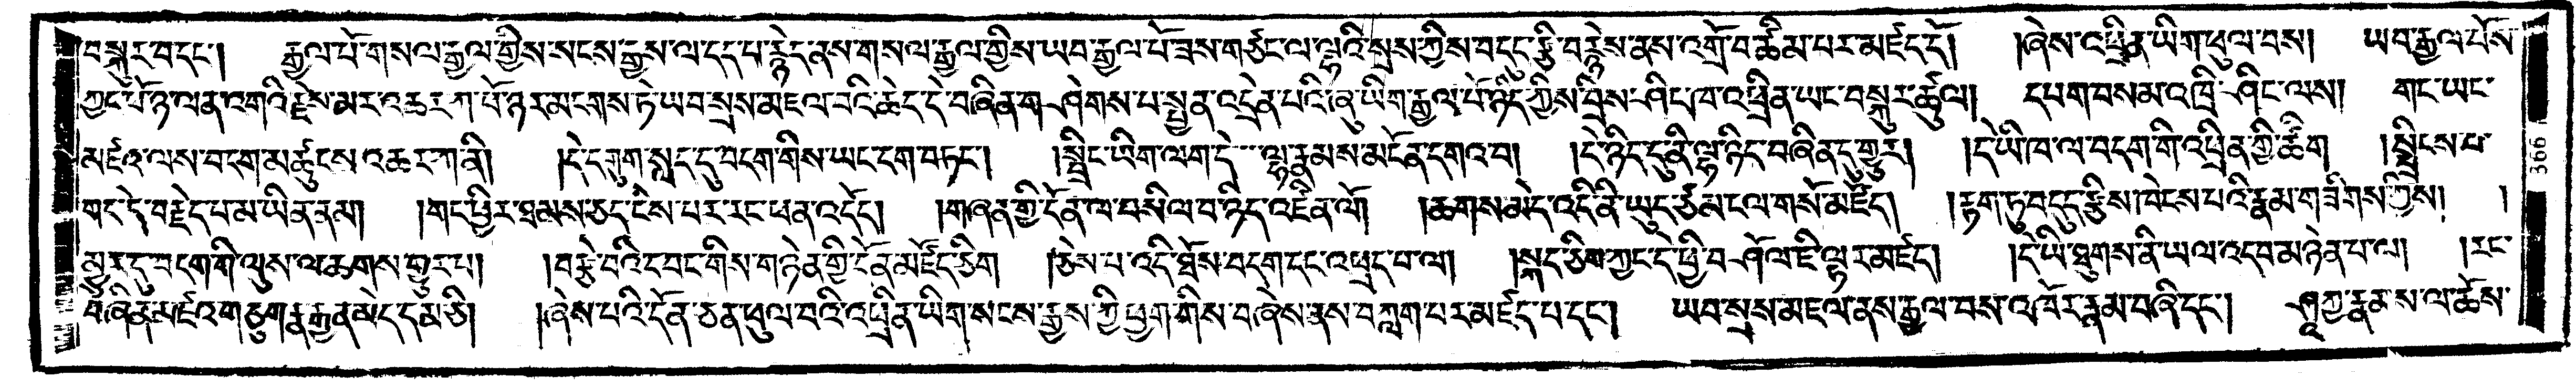བསྐུར་བ་དང་། རྒྱལ་པོ་གསལ་རྒྱལ་གྱིས་སངས་རྒྱས་ལ་དད་པ་རྙེད་ནས་གསལ་རྒྱལ་གྱིས་ཡབ་རྒྱལ་པོ་ཟས་གཙང་ལ་ལྷའི་སྲས་ཀྱིས་བདུད་རྩི་བརྙེས་ནས་འགྲོ་བ་ཚིམ་པར་མཛད་དོ། །ཞེས་འཕྲིན་ཡིག་ཕུལ་བས། ཡབ་རྒྱལ་པོས་
ཀྱང་པོ་ཉ་ལག་འགའི་རྫེས་མར་འཆར་ཀ་པོ་ཉར་མངགས་ཏེ་ཡབ་སྲས་མཇལ་བའི་ཆེད་དེ་བཞིན་གཤེགས་པ་སྤྱན་འདྲེན་པའི་ཞུ་ཡིག་རྒྱལ་པོ་ཉིད་ཀྱིས་བྲིས་ཤིང་ཁ་འཕྲིན་ཡང་བསྐུར་ཚུལ། དཔག་བསམ་འཁྲི་ཤིང་ལས། གང་ཡང་
མཛའ་ལས་བདག་མཚུངས་འཆར་ཀ་ནི། །དེ་དགུག་སླང་དུ་བདག་གིས་ཡང་དག་བཏང་། །སྦྲིང་ཡིག་ལག་དེ་ལྷ་རྣམས་མངོན་དགའ་བ། །དེ་ཉིད་དུ་ནི་ལྷ་ཉིད་བཞིན་དུ་གྱུར། །དེ་ཡི་ཁ་ལ་བདག་གི་འཕྲིན་གྱི་ཚིག། །སྤྲིངས་པ་
གང་དེ་བརྗེད་པ་མ་ཡིན་ནམ། །གང་ཕྱིར་ཐམས་ཅད་ངེས་པར་རང་ཕན་འདོད། །གཞན་གྱི་དོན་ལ་བསིལ་བ་ཉིད་འཛིན་ལོ། །ཆགས་མེད་འདི་ནི་ཡུད་ཙམ་ངལ་གསོ་མཛོད། །རྟག་ཏུ་བདུད་རྩིས་ཁེངས་པའི་རྣམ་གཟིགས་ཀྱིས། །
མྱུར་དུ་བདག་གི་ལུས་ལ་ཆགས་གྱུར་པ། །བརྩེ་བའི་དབང་གིས་གཉེན་གྱི་དོན་མཛོད་ཅིག །ཅེས་པ་འདི་ཐོས་བདག་དང་འཕྲད་པ་ལ། །སྐད་ཅིག་ཡང་དེ་ཕྱི་བཤོལ་ཇི་ལྟར་མཛད། །དེ་ཡི་ཐུགས་ནི་ཡལ་འདབ་ཉེན་པ་ལ། །རང་
བཞིན་མཛའ་གཅུག་རྣ་རྒྱན་མེད་དམ་ཅི། །ཞེས་པའི་དོན་ཅན་ཕུལ་བའི་འཕྲིན་ཡིག་སངས་རྒྱས་ཀྱི་ཕྱག་གིས་བཞེས་ནས་བཀླག་པར་མཛད་པ་དང་། ཡབ་སྲས་མཇལ་ནས་རྒྱལ་བས་འཁོར་རྣམ་བཞི་དང་། ཤཱཀྱ་རྣམས་ལ་ཆོས་